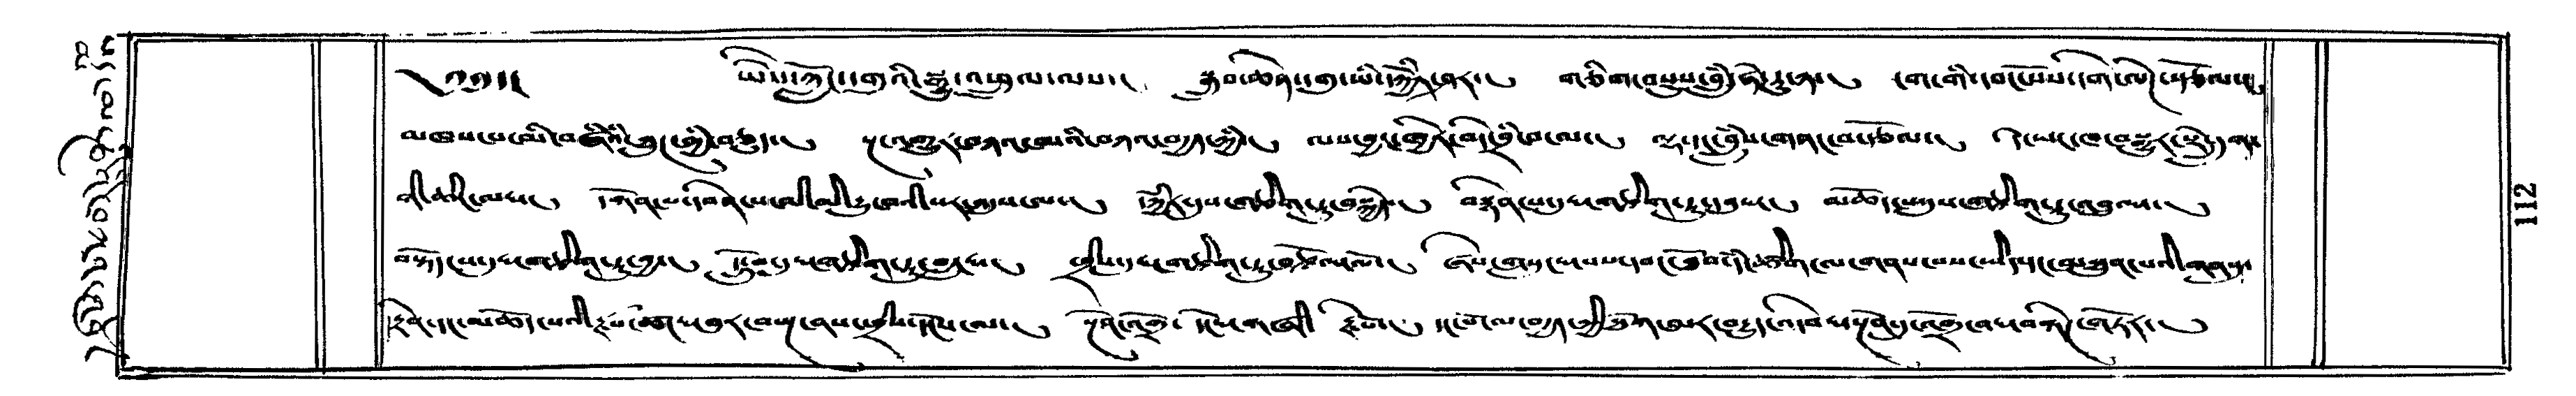ཡེ་ཤེས་ཀློང་དགུའི་སྒྱུ་འཕྲུལ་ལས། སྒྲུབ་ཆེན་དགུ་ཡི་དཀྱིལ་འཁོར་ཤར། །གཅིག་བསྡུས་བླ་མ་ཧེ་རུ་ཀ །ངག་གི་དབང་པོས་དགེ་ལེགས་སྩོལ། 
མཁས་པ་མི་བཞིའི་ཐུགས་ཀྱི་བཅུད། །སྔ་འགྱུར་བཀའ་མའི་བཀའ་བརྒྱད་ཀྱི། །ལས་བྱང་ཁྱེར་བདེ་འབྲི་བ་ལ། །ལྷ་དང་བླ་མས་གནང་བ་སྩོལ། དེ་ཡང་ཁ་བསྒྱུར་སྡེ་དྲུག་
གི་ཆིངས་ལས། དགོན་པ་དབེན་པ་མི་མི་རྒྱུ་བའི་སར་འདུས་ལ། དཀྱིལ་འཁོར་དུས་གཅིག་ཏུ་བསྐྱེད། བསྙེན་པ་དུས་གཅིག་ཏུ་བསགས། མཆོད་པ་དུས་གཅིག་ཏུ་འབུལ། 
བསྟོད་པ་དུས་གཅིག་ཏུ་བྱ། དངོས་གྲུབ་དུས་གཅིག་ཏུ་བླང་མ། ཕྲིན་ལས་དུས་གཅིག་ཏུ་བཅོལ་ལོ།། ཞེས་གསུངས་པས་དབང་ཐོབ་དམ་ཚིག་ལ་གནས་པས་ཡིད་དང་མཐུན་པའི་གནས་སུ་
རྟེན་དང་མཆོད་པའི་རྫེས་ཚང་བར་བསགས་ནས་ཕྲིན་ལས་དངོས་ལ། སྔོན་འགྲོ་དངོས་གཞི་རྗེས། དང་པོ་ལ་བརྒྱད་ཀྱི་ཐོག་མར་བརྒྱུད་འདེབས་སྔོན་འགྲོ་ནས་བགཻགས་གཏོར།